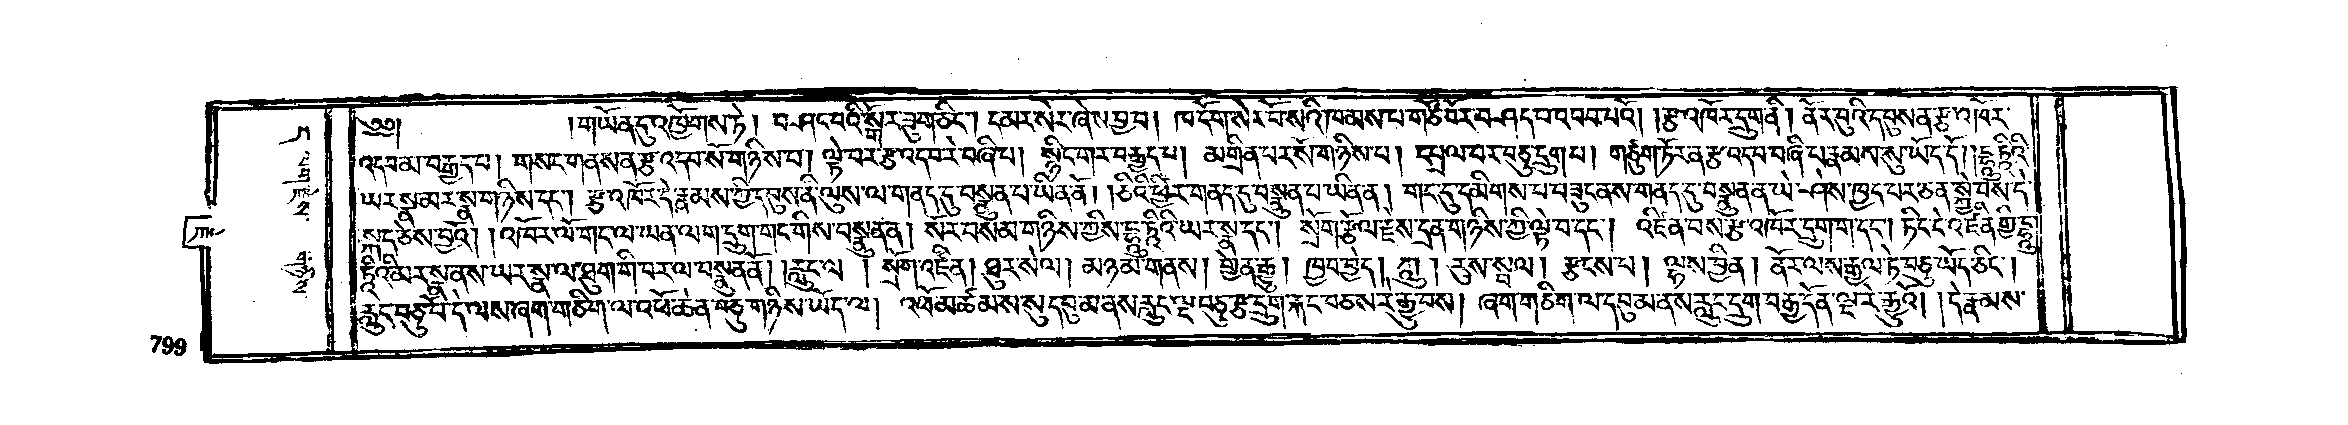༄༅། །གཡོན་དུ་འཁྱོགས་ཏེ། བཤད་པའི་སྒོར་ཟུག་ཅིང་། དམར་སེར་ཞེས་བྱ་བ། ཁ་དོག་སེར་པོ་སའི་ཁམས་པ་གཙོ་བོར་བཤད་པ་འབབ་པའོ། །རྩ་འཁོར་དྲུག་ནི། ནོར་བུའི་དབུས་ན་རྩ་འཁོར་
འདབ་མ་བརྒྱད་པ། གསང་གནས་ན་རྩ་འདབ་སོ་གཉིས་པ། ལྟེ་བར་རྩ་འདབ་རེ་བཞི་པ། སྙིང་གར་བརྒྱད་པ། མགྲིན་པར་སོ་གཉིས་པ། དཔྲལ་བར་བཅུ་དྲུག་པ། གཙུག་ཏོར་ན་རྩ་འདབ་བཞི་པ་རྣམས་སུ་ཡོད་དོ། །དྷཱུ་ཏཱིའི་
ཡར་སྣ་མར་སྣ་གཉིས་དང་། རྩ་འཁོར་དེ་རྣམས་ཀྱི་དབུས་ནི་ལུས་ལ་གནད་དུ་བསྣུན་པ་ཡིན་ནོ། །ཅིའི་ཕྱིར་གནད་དུ་བསྣུན་པ་ཡིན་ན། གང་དུ་དམིགས་པ་བཟུང་ནས་གནད་དུ་བསྣུན་ན་ཡེ་ཤེས་ཁྱད་པར་ཅན་སྐྱེ་བས་དེ་
སྐད་ཅེས་བྱའོ། །འཁོར་ལོ་གང་ལ་ཡན་ལག་དྲུག་གང་གིས་བསྣུན་ན། སོར་བསམ་གཉིས་ཀྱིས་དྷཱུ་ཏཱིའི་ཡར་སྣ་དང་། སྲོག་རྩོལ་རྗེས་དྲན་གཉིས་ཀྱི་ལྟེ་བ་དང་། འཛིན་པས་རྩ་འཁོར་དྲུག་ག་དང་། ཏིང་ངེ་འཛིན་གྱི་དྷཱུ་
ཏཱིའི་མར་སྣ་ནས་ཡར་སྣ་ལ་ཐུག་གི་བར་ལ་བསྣུན་ནོ། །རླུང་ལ། སྲོག་འཛིན། ཐུར་སེལ། མཉམ་གནས། གྱེན་རྒྱུ། ཁྱབ་བྱེད། ཀླུ། རུས་སྦལ། རྩངས་པ། ལྷས་བྱིན། ནོར་ལས་རྒྱལ་ཏེ་བཅུ་ཡོད་ཅིང་།
རླུང་བཅུ་པོ་དེ་ལས་ཞག་གཅིག་ལ་འཕོ་ཆེན་བཅུ་གཉིས་ཡོད་ལ། འཕོ་མཚམས་སུ་དབུ་མ་ནས་རླུང་ལྔ་བཅུ་རྩ་དྲུག་རྐང་བཅས་རེ་རྒྱུ་བས། ཞག་གཅིག་ལ་དབུ་མ་ནས་རླུང་དྲུག་བརྒྱ་དོན་ལྔ་རེ་རྒྱུའོ། །དེ་རྣམས་